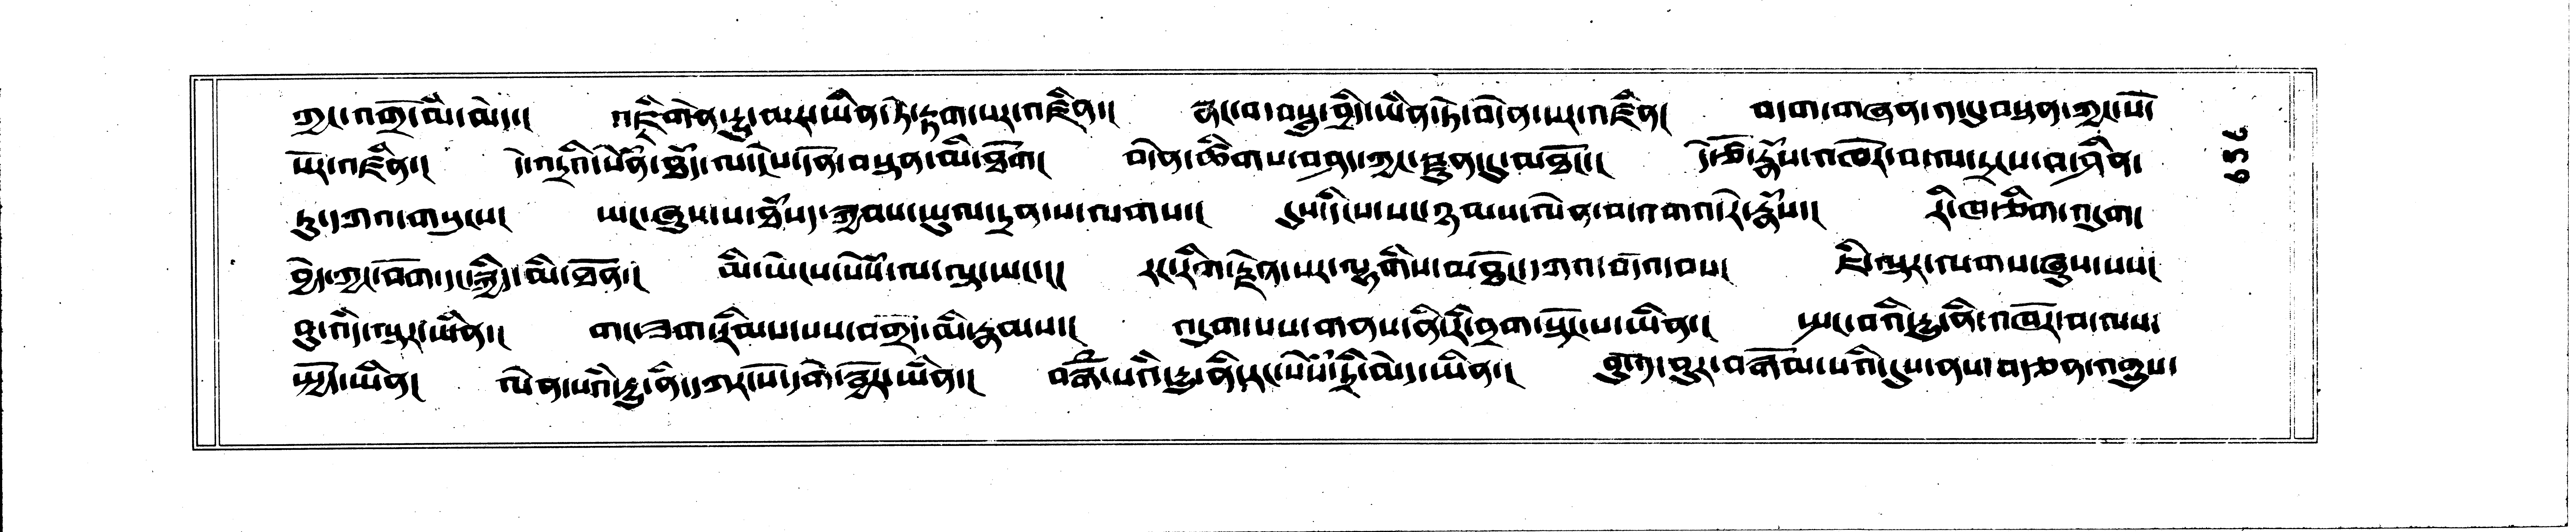ལ་བཏང་ཀྱང་འགྲོ་མི་མེད། འཇིག་རྟེན་སྒྱུ་མ་ཡིན་ཏེ་རྟག་པར་འཛིན། སྣང་བ་བསླུ་བྲིད་ཡིན་ཏེ་བདེན་པར་འཛིན། བདག་གཞན་གཅིག་ཏུ་བསྟན་ན་སོ་
སོར་འཛིན། དེ་འདྲའི་སེམས་ཅན་ཐམས་ཅད་ལ། ངེས་དོན་བསྟན་ཡང་ཕན་མི་ཐོགས། བདེན་ཚིག་བཤད་ཀྱང་རྫུན་དུ་མཐོང་། དེ་ཚོ་རྣམས་འཁོར་བ་ནས་ཐར་པ་ཤིན
དུ་རྐ་གསུངས། ཡང་ཞུས་པ། ཐམས་ཅད་སྐྱབས་ཡུལ་བླ་ཆེན་དྲན་པ་ལགས། དུས་དེང་སང་གང་ཟག་ཉམས་ལེན་པ་གྷ་(འགའ)་རེས། རི་ཁར་གཅིག་འདུག་
བྱེད་ཀྱང་སྒོམ་དང་སྐྱད་མི་ཐོན། མི་ཡེང་སེམས་ལ་ལྟ་ཡང་། རང་རིག་རྗེན་པར་ལྷག་གིས་མཐོང་བ་རྐ་འདུག་པ་ཅི་ལྟར་ལགས་ཞེས་ཞུས་ཙ། 
བུ་འདི་ལྟར་ཡིན། གང་ཟག་རིམ་པས་བསྒྲོད་མི་རྣམས། འདུག་པའི་གནས་ནི་རི་ཕུག་སྟོང་པ། སྤངས་པའིརྒྱུ་ནི་འཁོར་བའི་ལས་
སྤྱོད། ལེན་པའི་རྒྱུ་ནི་དཀར་པོའི་དགེ་བ། བསྒོམ་པའི་རྒྱུ་ནི་རང་སེམས་དྲི་མེད་ཡིན། བུ་གཅིག་བུར་བསྒོམ་པའི་དུས་ལ་བརྩོན་འགྲུས་